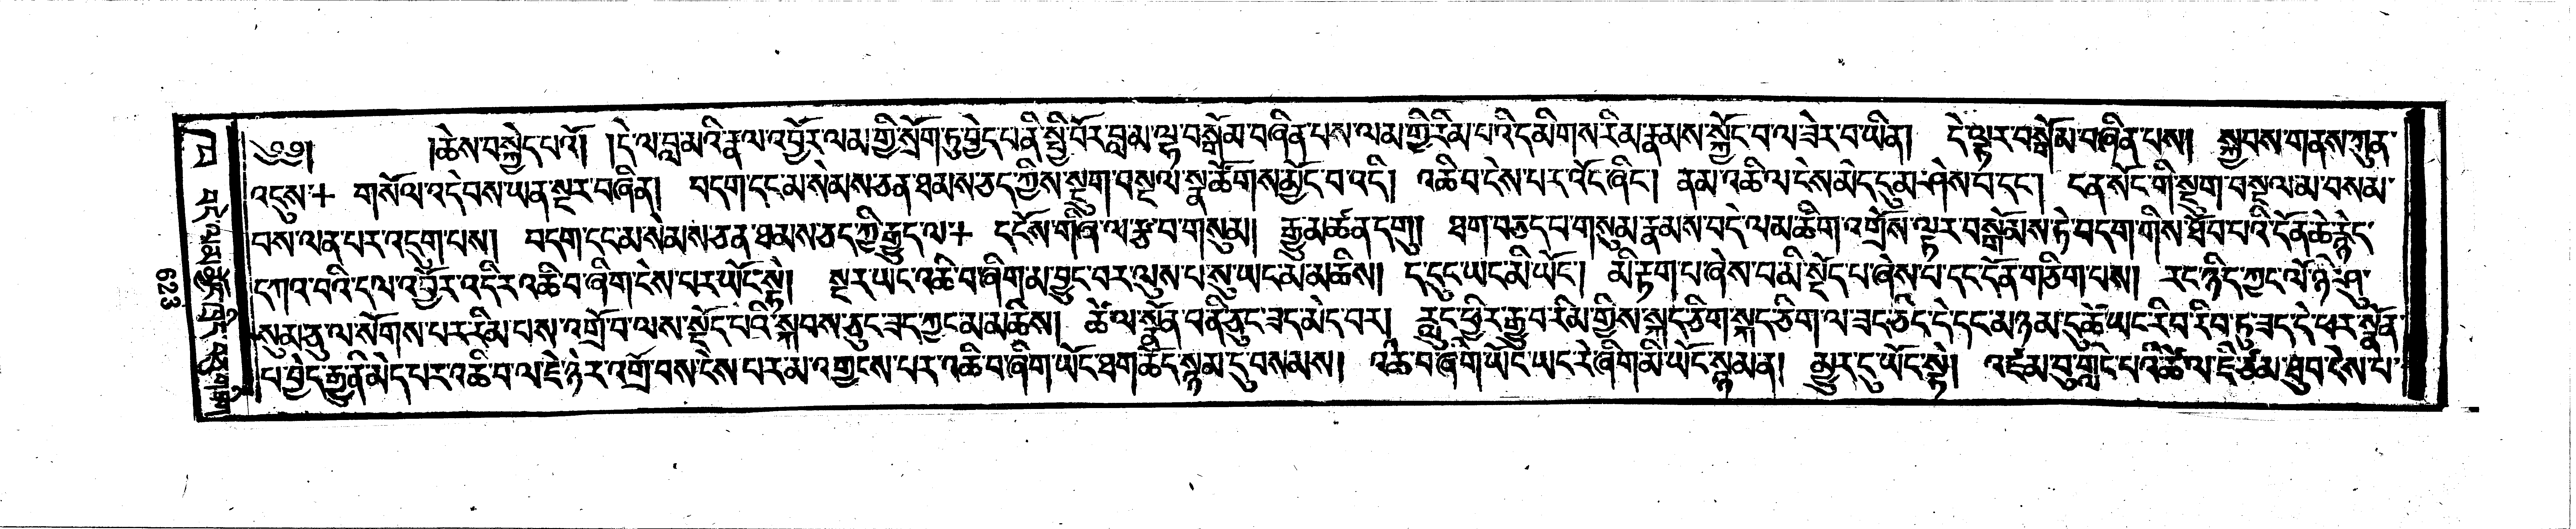༄༅། །ཆེས་བསྐྱེད་པའོ། །དེ་ལ་བླ་མའི་རྣལ་འབྱོར་ལམ་གྱི་སྲོག་ཏུ་བྱེད་པ་ནི་སྤྱི་བོར་བླ་མ་ལྷ་བསྒོམ་བཞིན་པ་ལ་ལམ་གྱི་རིམ་པའི་དམིགས་རིམ་རྣམས་སྐྱོང་བ་ལ་ཟེར་བ་ཡིན། དེ་ལྟར་བསྒོམ་བཞིན་པས། སྐྱབས་གནས་ཀུན་
འདུས་+་གསོལ་འདེབས་ཡན་སྔར་བཞིན། བདག་དང་མ་སེམས་ཅན་ཐམས་ཅད་ཀྱིས་སྡུག་བསྔལ་སྣ་ཚོགས་མྱོང་པ་འདི། འཆི་བ་ངེས་པར་འོང་ཞིང་། ནམ་འཆི་ལ་ངེས་མེད་དུ་མ་ཤེས་པ་དང་། ངན་སོང་གི་སྡུག་བསྔལ་མ་བསམ་
བས་ལན་པར་འདུག་པས། བདག་དང་མ་སེམས་ཅན་ཐམས་ཅད་ཀྱི་རྒྱུད་ལ་+་དངོས་གཞི་ལ་རྩ་བ་གསུམ། རྒྱུ་མཚན་དགུ། ཐག་བཅད་པ་གསུམ་རྣམས་བདེ་ལམ་ཚིག་འགྲོས་ལྟར་བསྒོམས་ཏེ་བདག་གིས་ཐོབ་པའི་དོན་ཆེ་རྙེད་
དཀའ་བའི་དལ་འབྱོར་འདིར་འཆི་བ་ཞིག་ངེས་པར་ཡོང་སྟེ། སྔར་ཡང་འཆི་བ་ཞིག་མ་བྱུང་བར་ལུས་པ་སུ་ཡང་མ་མཆིས། ད་དུང་ཡང་མི་ཡོང་། མི་རྟག་པ་ཞེས་པ་མི་སྡོད་པ་ཞེས་པ་དང་དོན་གཅིག་པས། རང་ཉིད་ཀྱང་ལོ་ཉི་ཤུ་
སུམ་ཅུ་ལ་སོགས་པར་རིམ་པས་འགྲོ་བ་ལས་སྔོད་པའི་སྐབས་ཅུང་ཟད་ཀྱང་མ་མཆིས། ཚེ་ལ་སྣོན་བ་ནི་ཅུང་ཟད་མེད་པར། རླུང་ཕྱིར་རྒྱུ་བ་རིམ་གྱིས་སྐད་ཅིག་སྐད་ཅིག་ལ་ཟད་ཅིང་དེ་དང་མཉམ་དུ་ཚེ་ཡང་རིབ་རིབ་ཏུ་ཟད་དེ་ཕར་སྣོན་
པ་བྱེད་རྒྱུ་ནི་མེད་པར་འཆི་བ་ལ་ཇེ་ཉེར་འགྲོ་བས་ངེས་པར་མ་འགྱངས་པར་འཆི་བ་ཞིག་ཡོང་ཐག་ཆོད་སྙམ་དུ་བསམས། འཆི་བ་ཞིག་ཡོང་ཡང་རེ་ཞིག་མི་ཡོང་སྙམ་ན། མྱུར་དུ་ཡོང་སྟེ། འཛམ་བུ་གླིང་པའི་ཚེ་ལ་ཇི་ཙམ་ཐུབ་ངེས་པ་